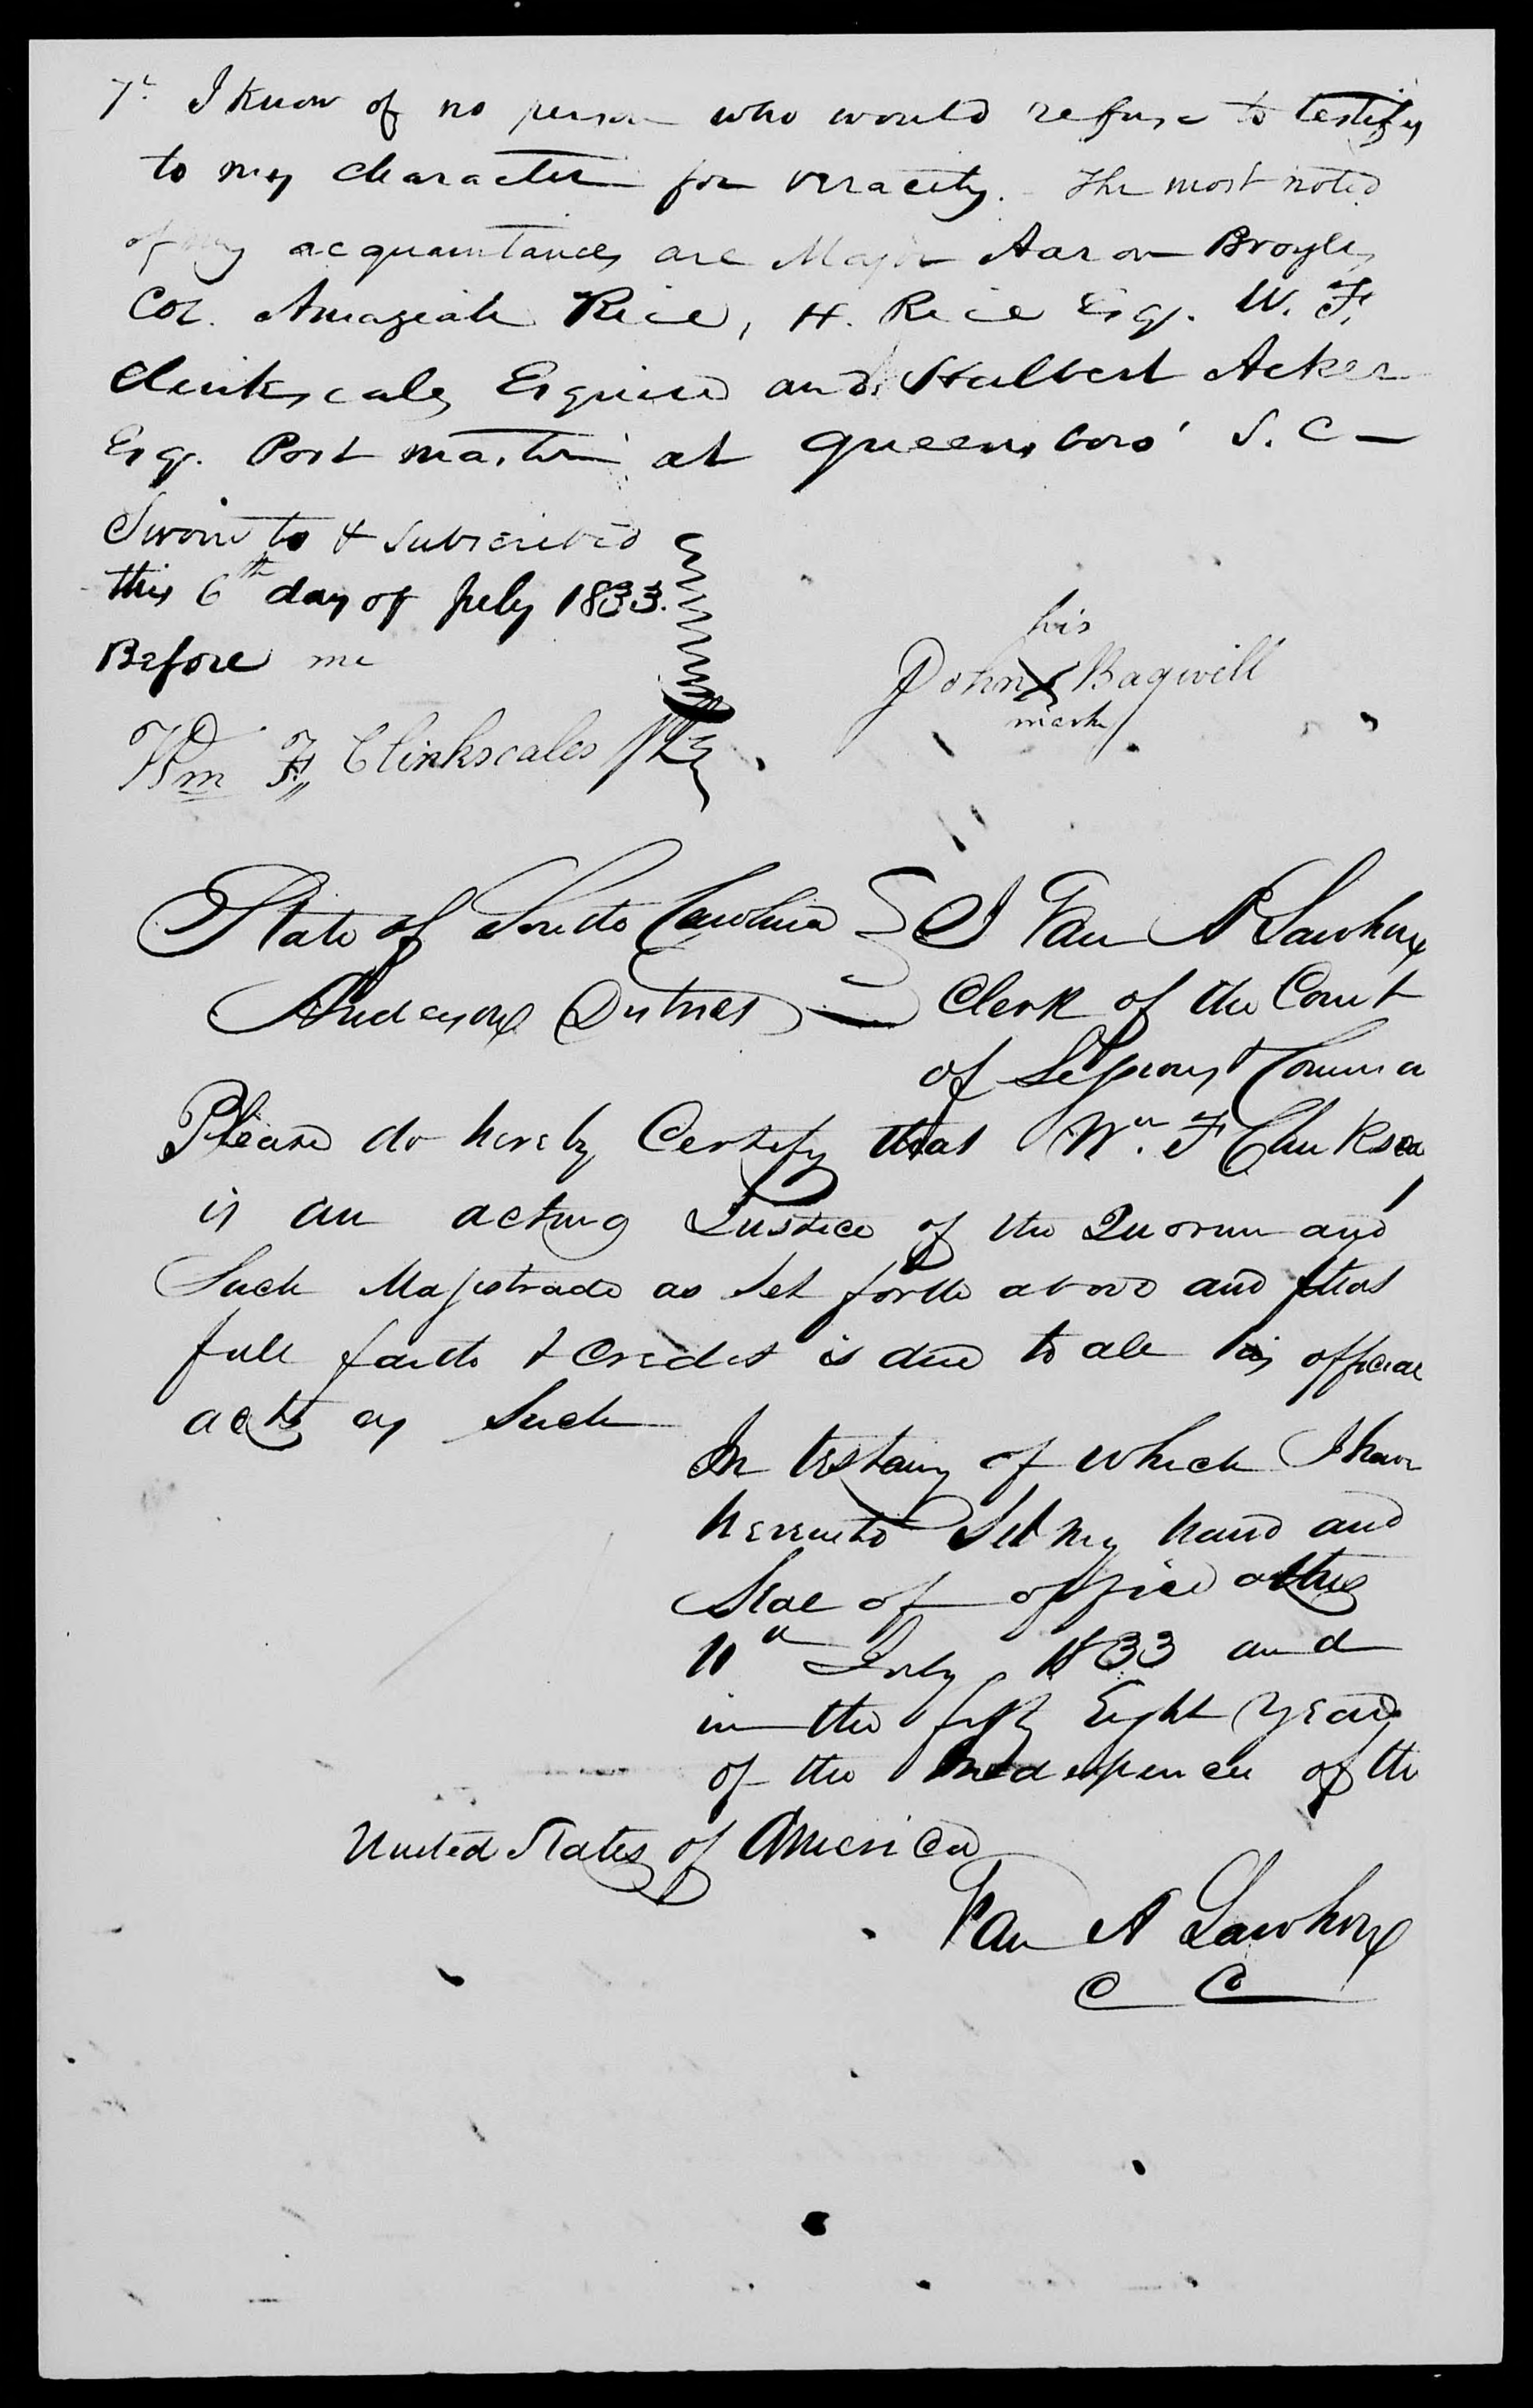I know of no person who would refuse to testify
to my character for veracity. The most noted
of my acquaintances are Major Aaron Broyles
Col. Amaziah Rice, H. Rice Esq. W. F.
Clinkscales, Esquire [  ] Hulbert Acker
Esq. Postmaster at
Greensboro SC
Sworn to & subscribed
this 6th day of July 1833
Before me
his
Wm F Clinkscales
X John Bagwell his mark


State of North Carolina
[  ] 

Clerk of the Court
of Sessions [ ]
Please do hereby certify that Wm F Clinksca
is an acting Justice of the Quorum and
Such Magistrate as set forth above and that
full faith & credit is due to all his official
acts as such
In testimony of which I have
hereunto set my hand and
State of office this

11th July 1833 and
in the fifty Eight years
of the Independence of the
United States of America
Van A Lawhon CC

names: W F Clinkscale, H Rice, Amasiah Rice, Wm F Clinksca, Wm F Clinkscales, Van A Lawhon, Van A Lawhon, John Bagwell, Aaron Broyles, Hulbert Acker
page: 6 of 36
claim: survivor's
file: S 6571, John Bagwell, N.C.